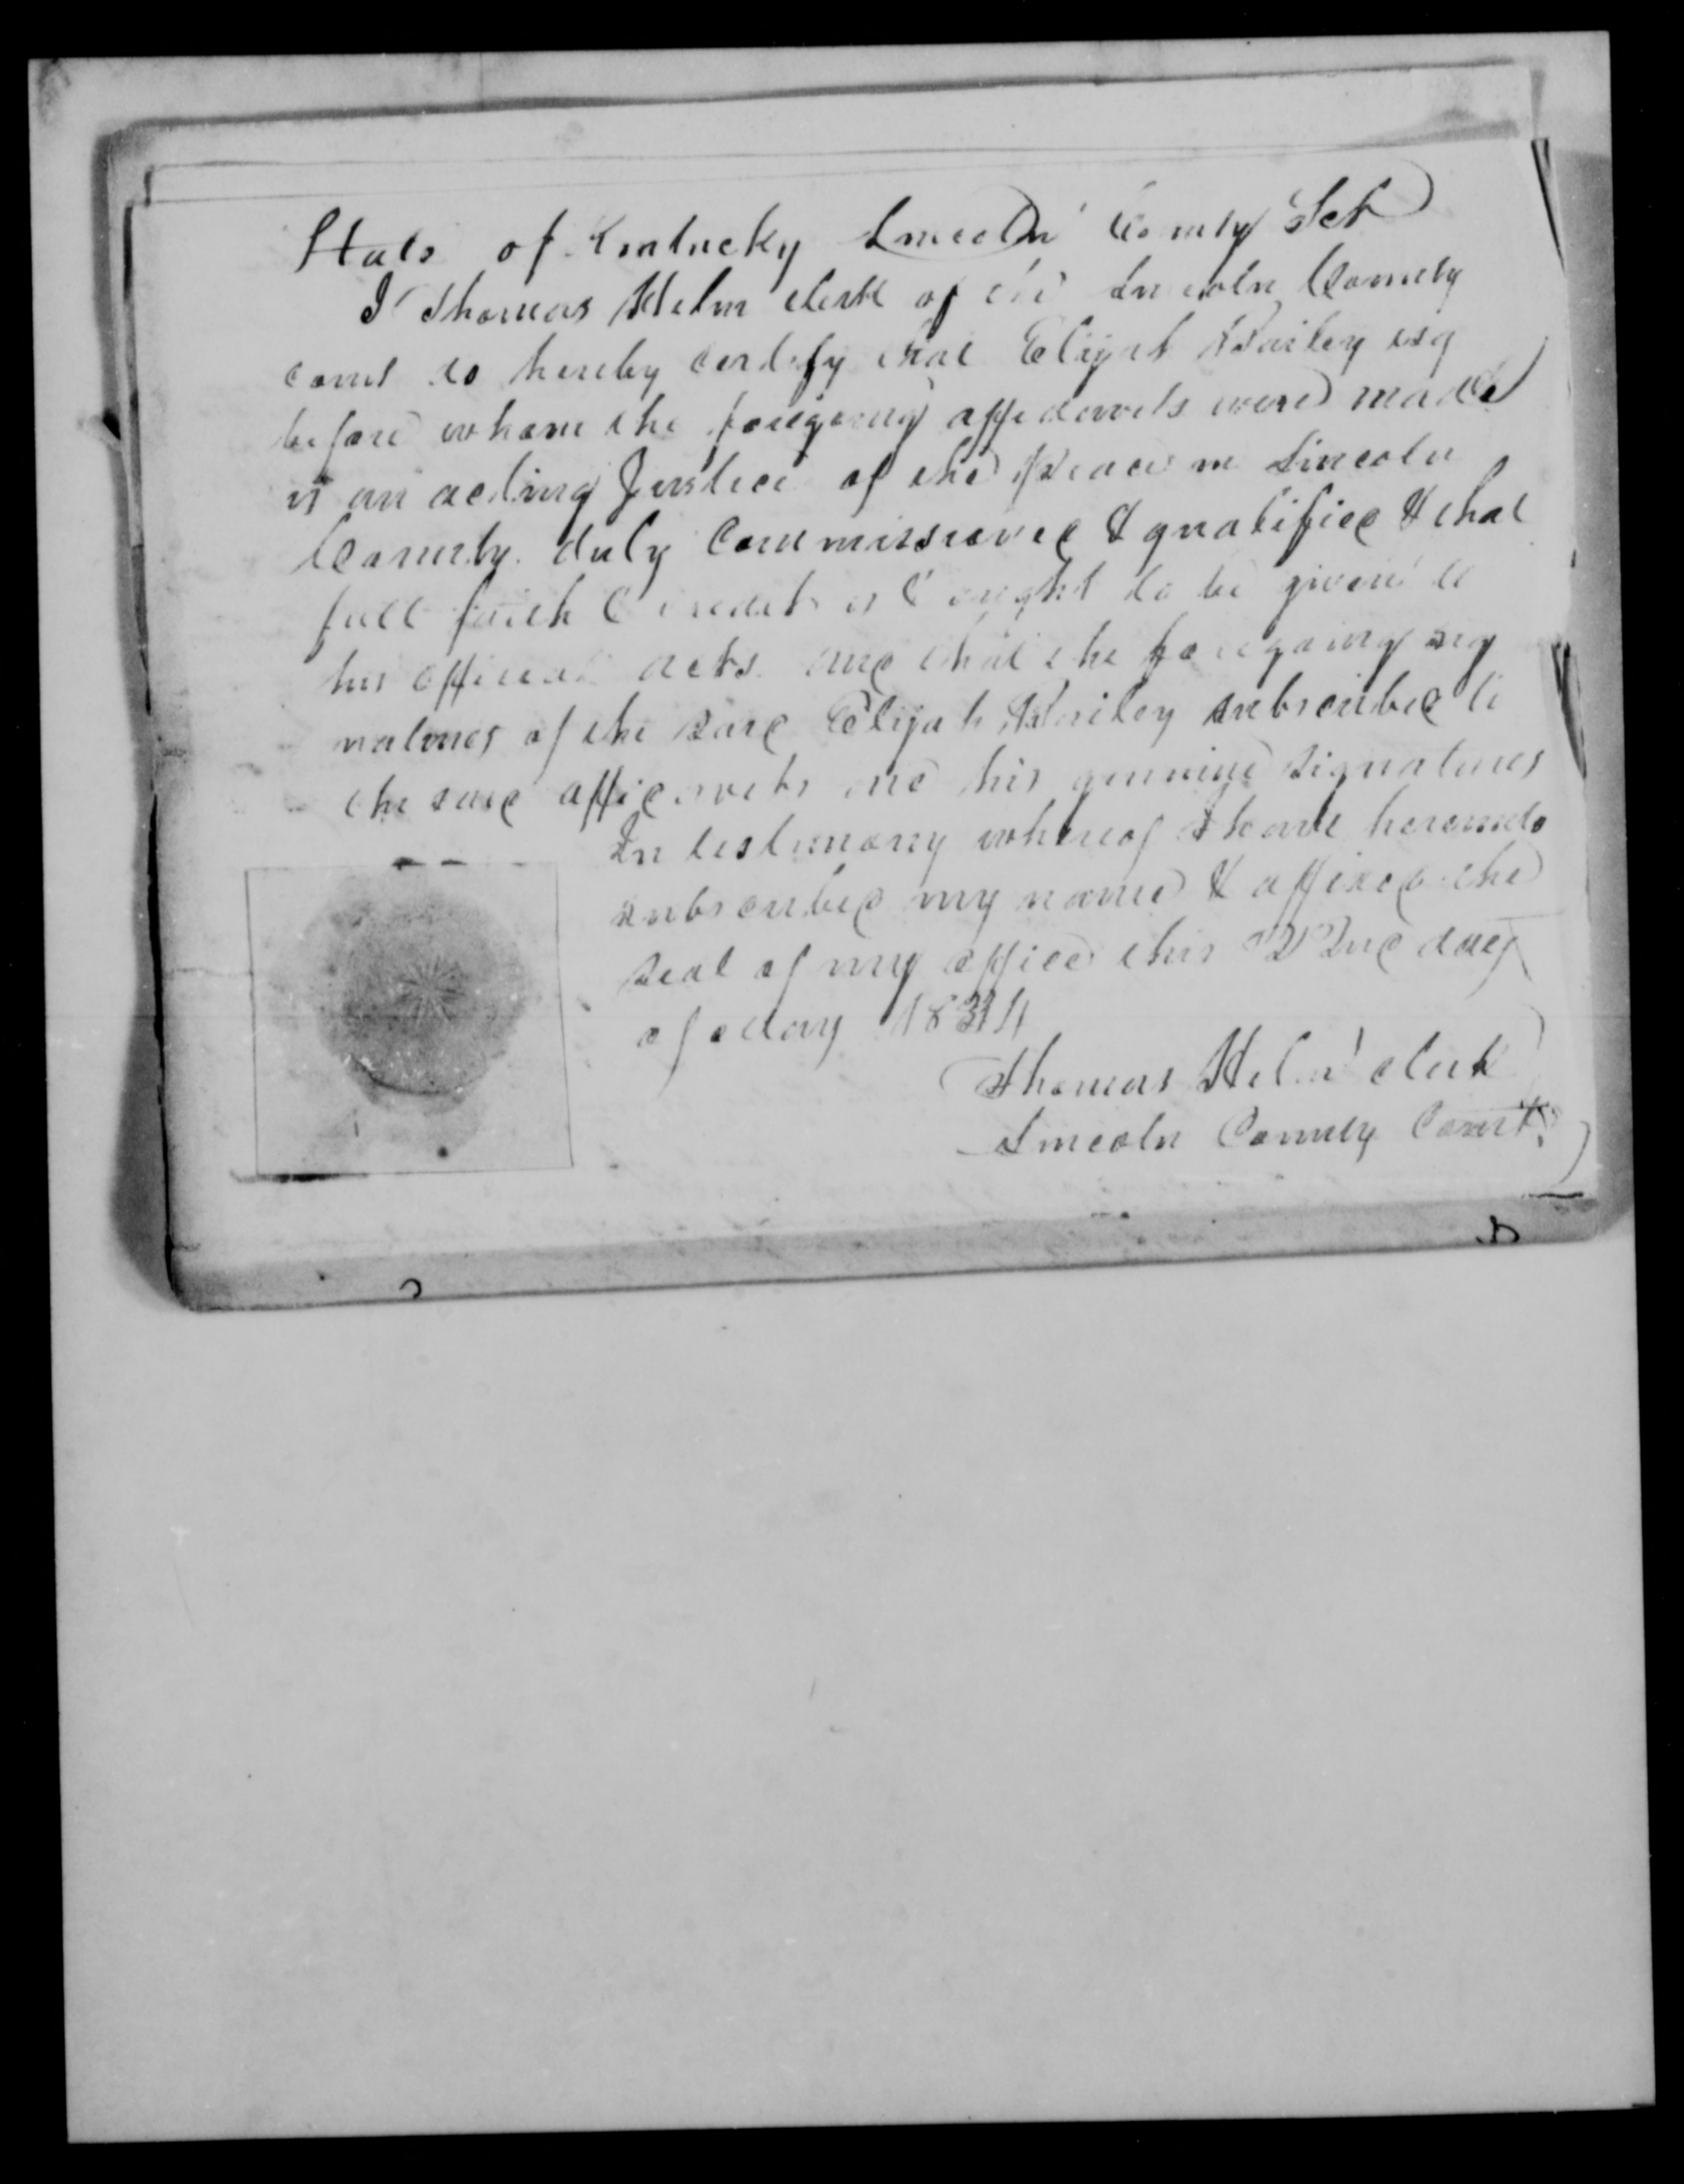State of Kentucky Lincoln County Sct

I Thomas Helm Clerk of the Lincoln County
court do hereby certify that Elijah Bailey esq
before whom the foregoing affidavits were made
i an acting Justice of the peace in Lincoln
County duly commissioned & qualified & that
full faith & credit is & ought to be given to
his official acts and that the foregoing signatures
of the said Elijah Bailey subscribed to 
the said affidavits are his genuine signatures
In testimony whereof I have hereunto
subscribed my name & affixed the
seal of my office this 22nd day
of May 1834
Thomas Helm Clerk
Lincoln County Court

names: Thomas Helm, Elijah Bailey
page: 9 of 14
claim: rejected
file: R 11149, Peter Worner, Md.